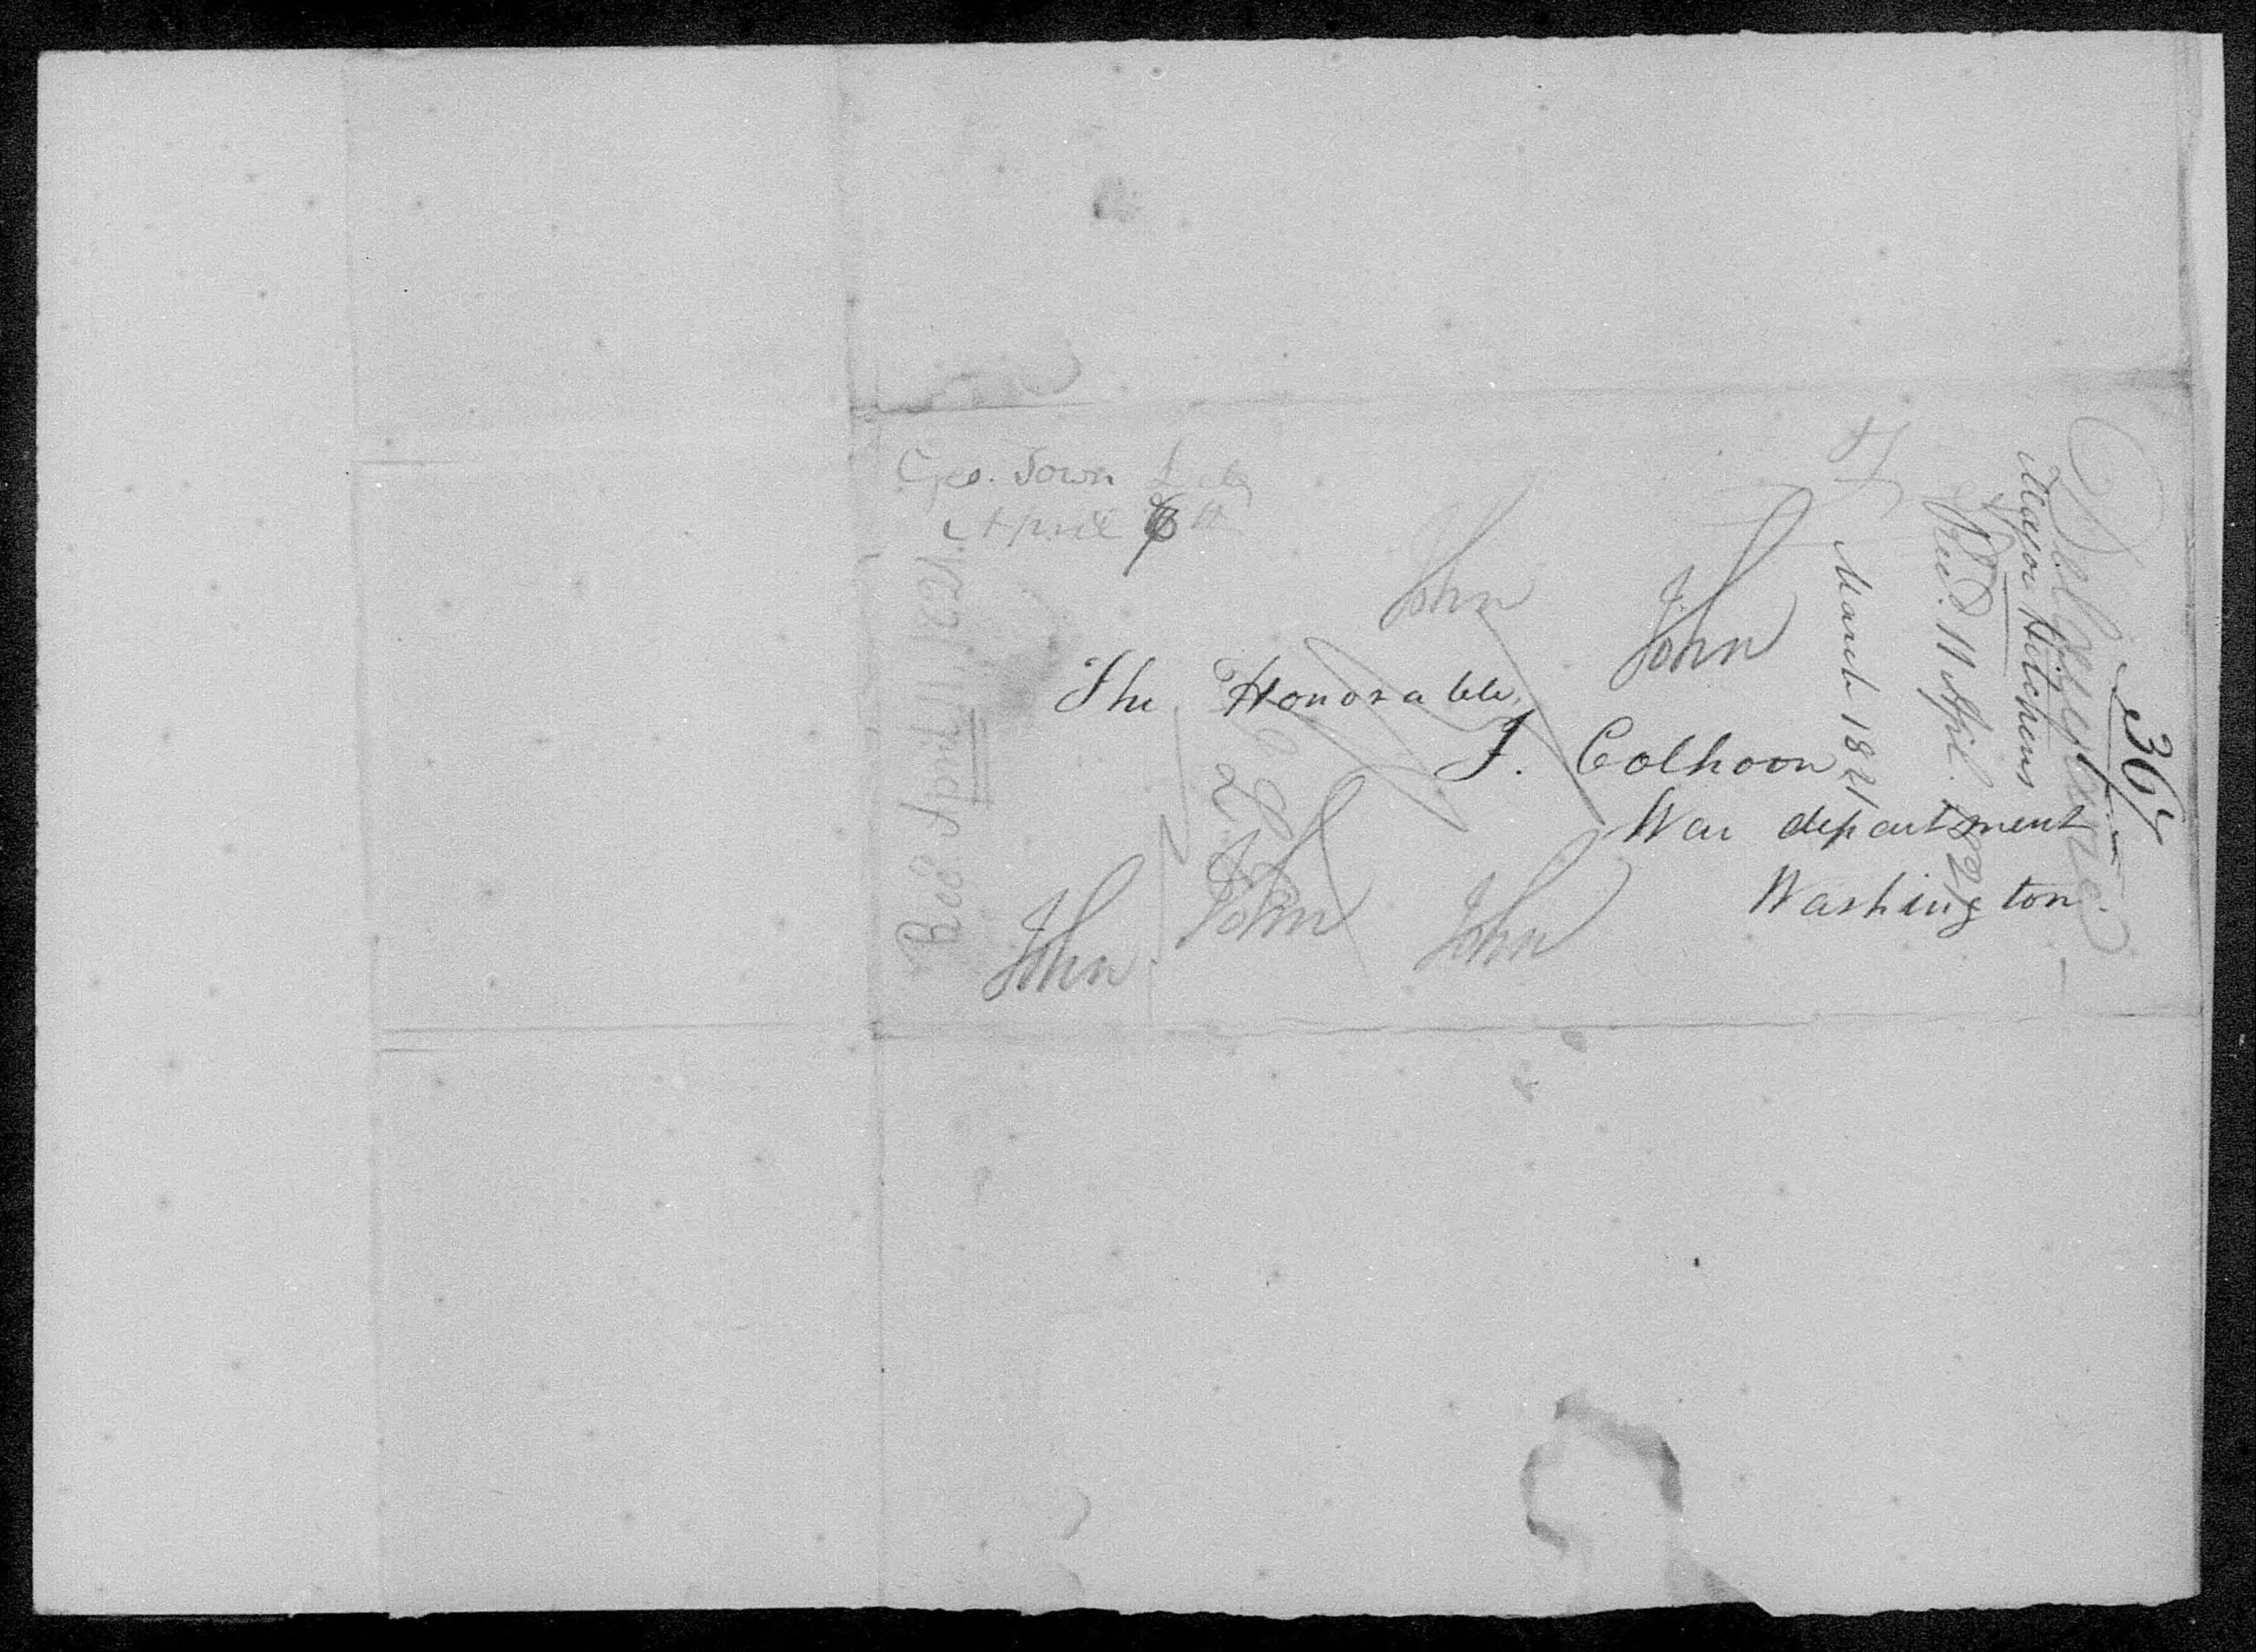367
Delaware
Major Hitchins
Recd. 11 Apl. 1821

March 1821 


Geo. Town 
April 6th

The Honorable, 
J. Calhoun
War Department
Washington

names: John, J Colhoon, John, John, Major Hitchens, John, John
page: 19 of 21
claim: survivor's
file: S. 36017, Major Hitchens, Del.